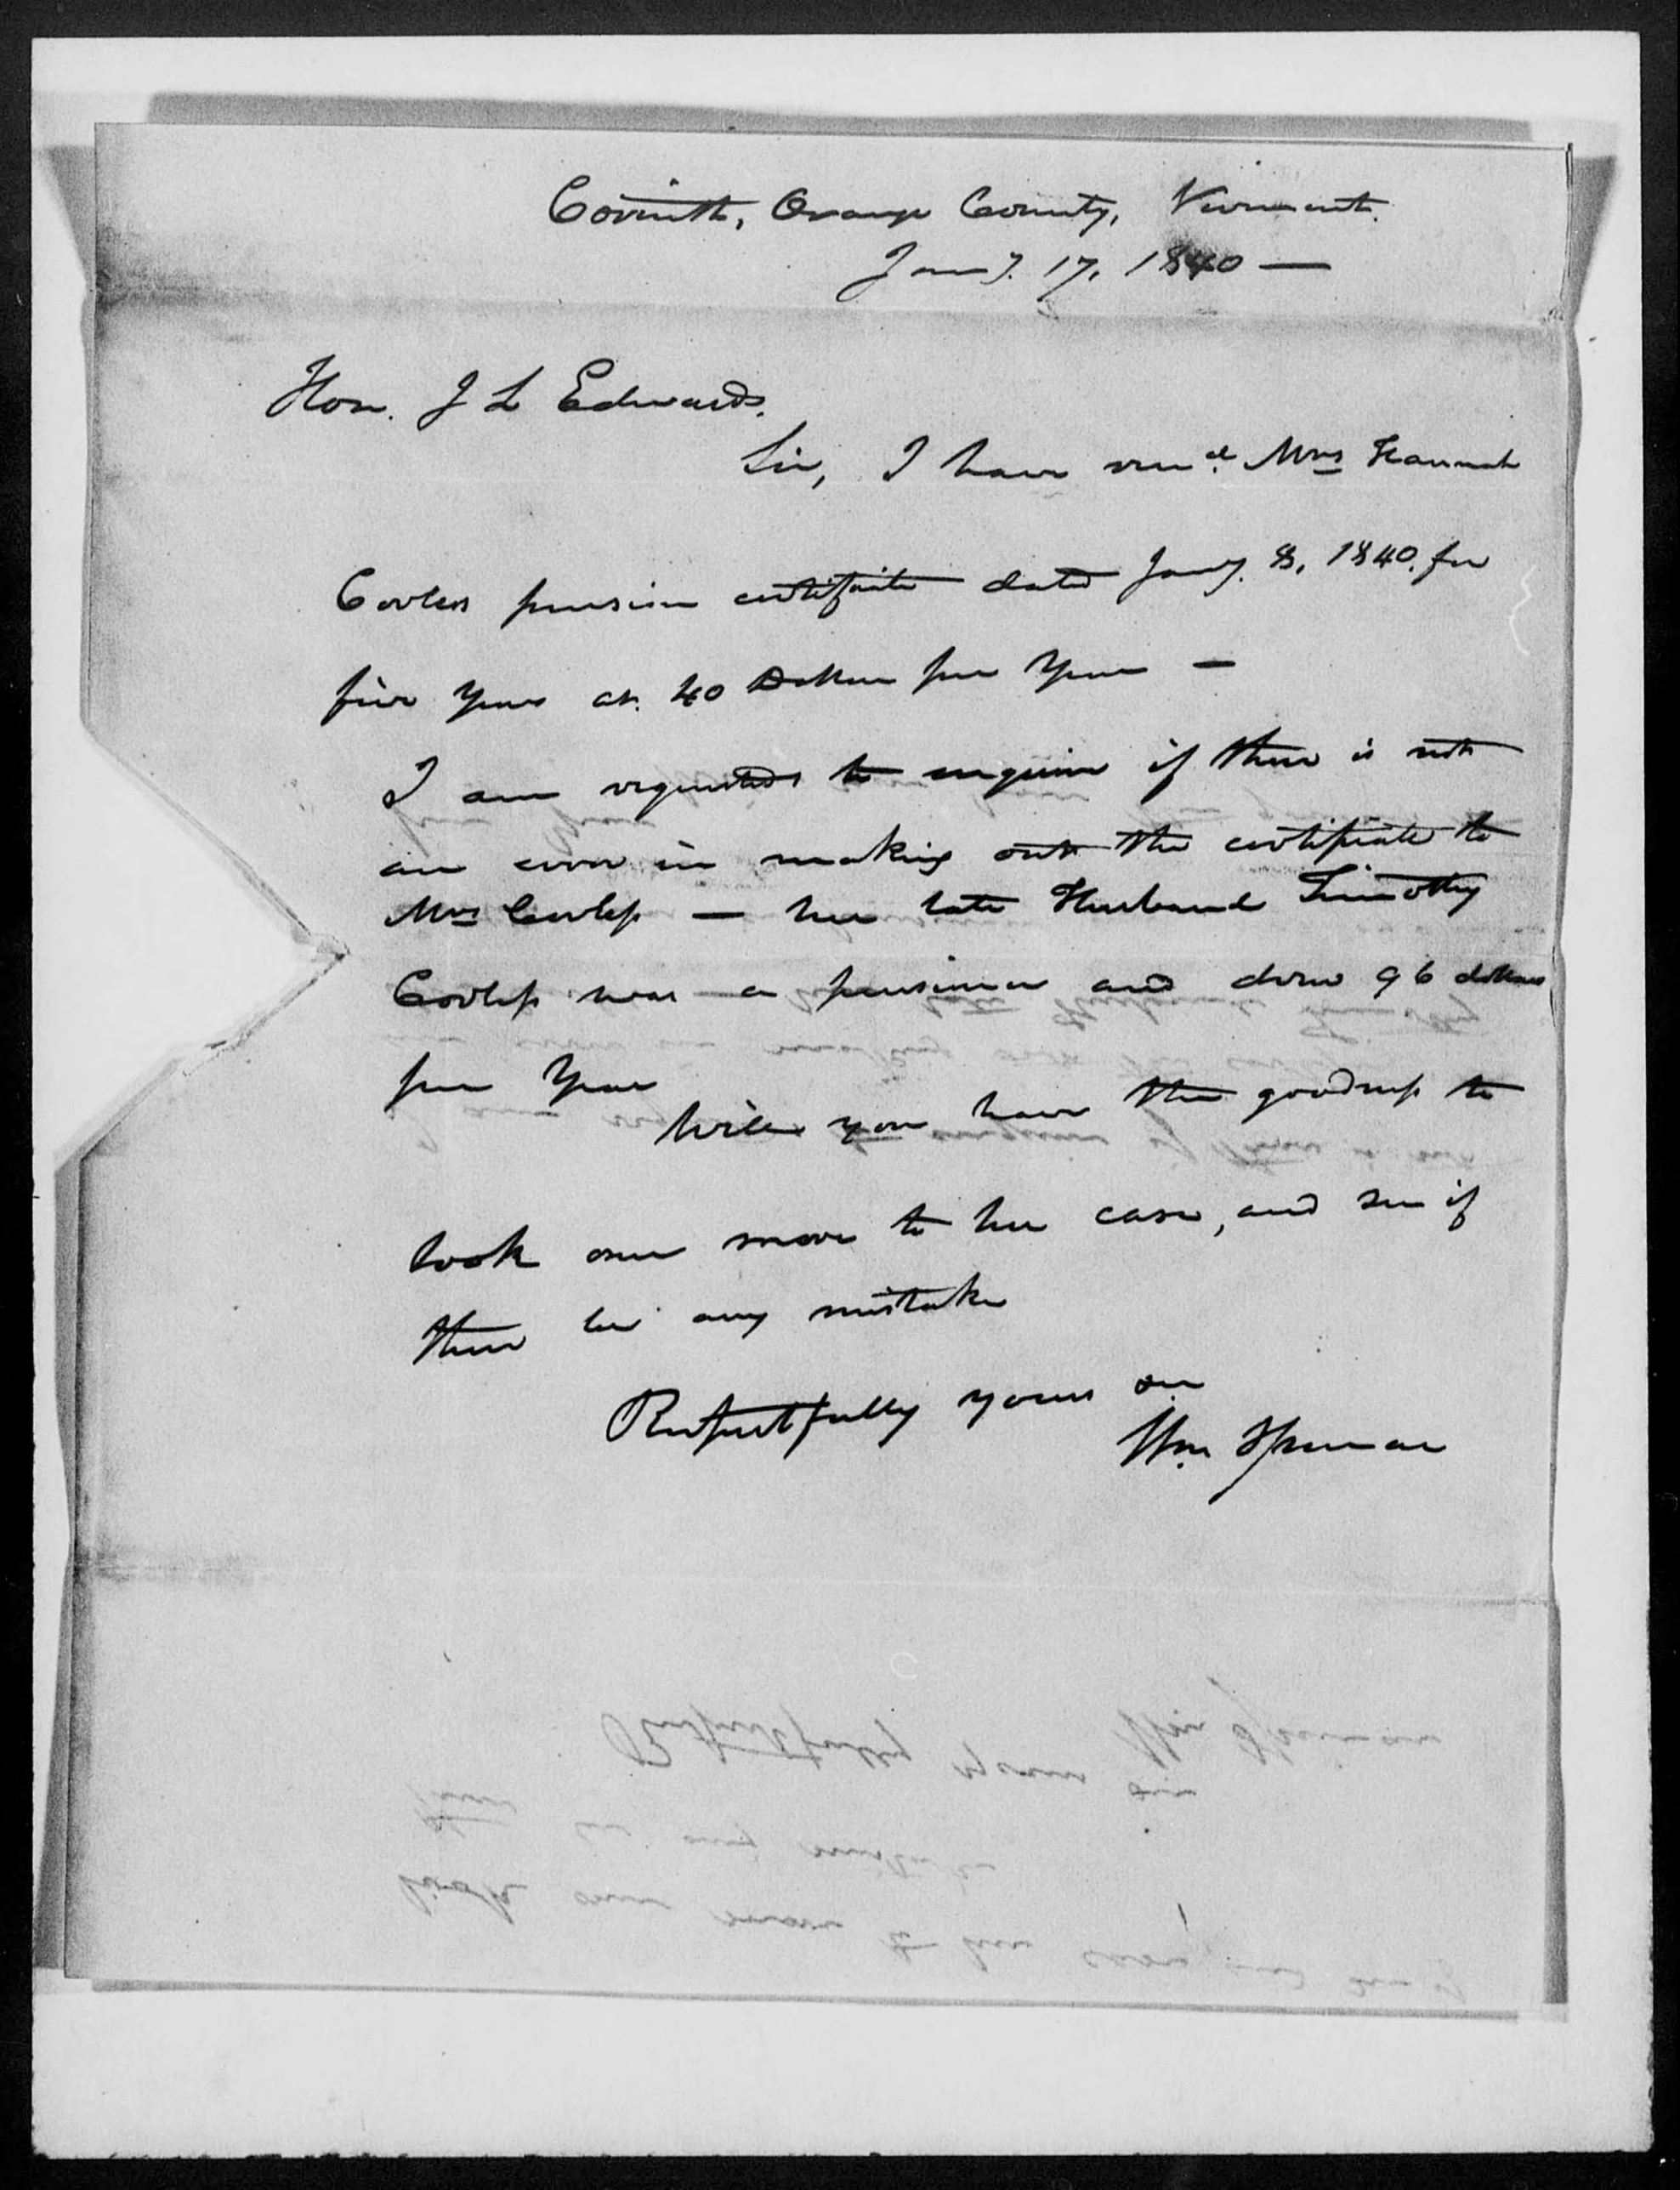Corinth, Orange County, Vermont
January 17. 17, 1840-
Honorable  J L Edwards
Sir, I have received Mrs Hannah
Corless pension certificate dated January 8 1840 for
five years at 40 dollars per year-
I am requested to enquire if there is not
An error in making out the certificate to Mrs. Corless-
Her late Husband Timothy Corless ls was a pensioner and 
drew 96 per year.
Will you have the goodness to
look once more to her case, and see if there 
be any mistake
Respectfully Yours Sir
William Spear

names: Corless, J L Edwards, Timothy Corless, Hannah Corless, Wm Spencer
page: 25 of 34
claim: widow's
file: W. 20,896, Timothy Corless, Continental Mass